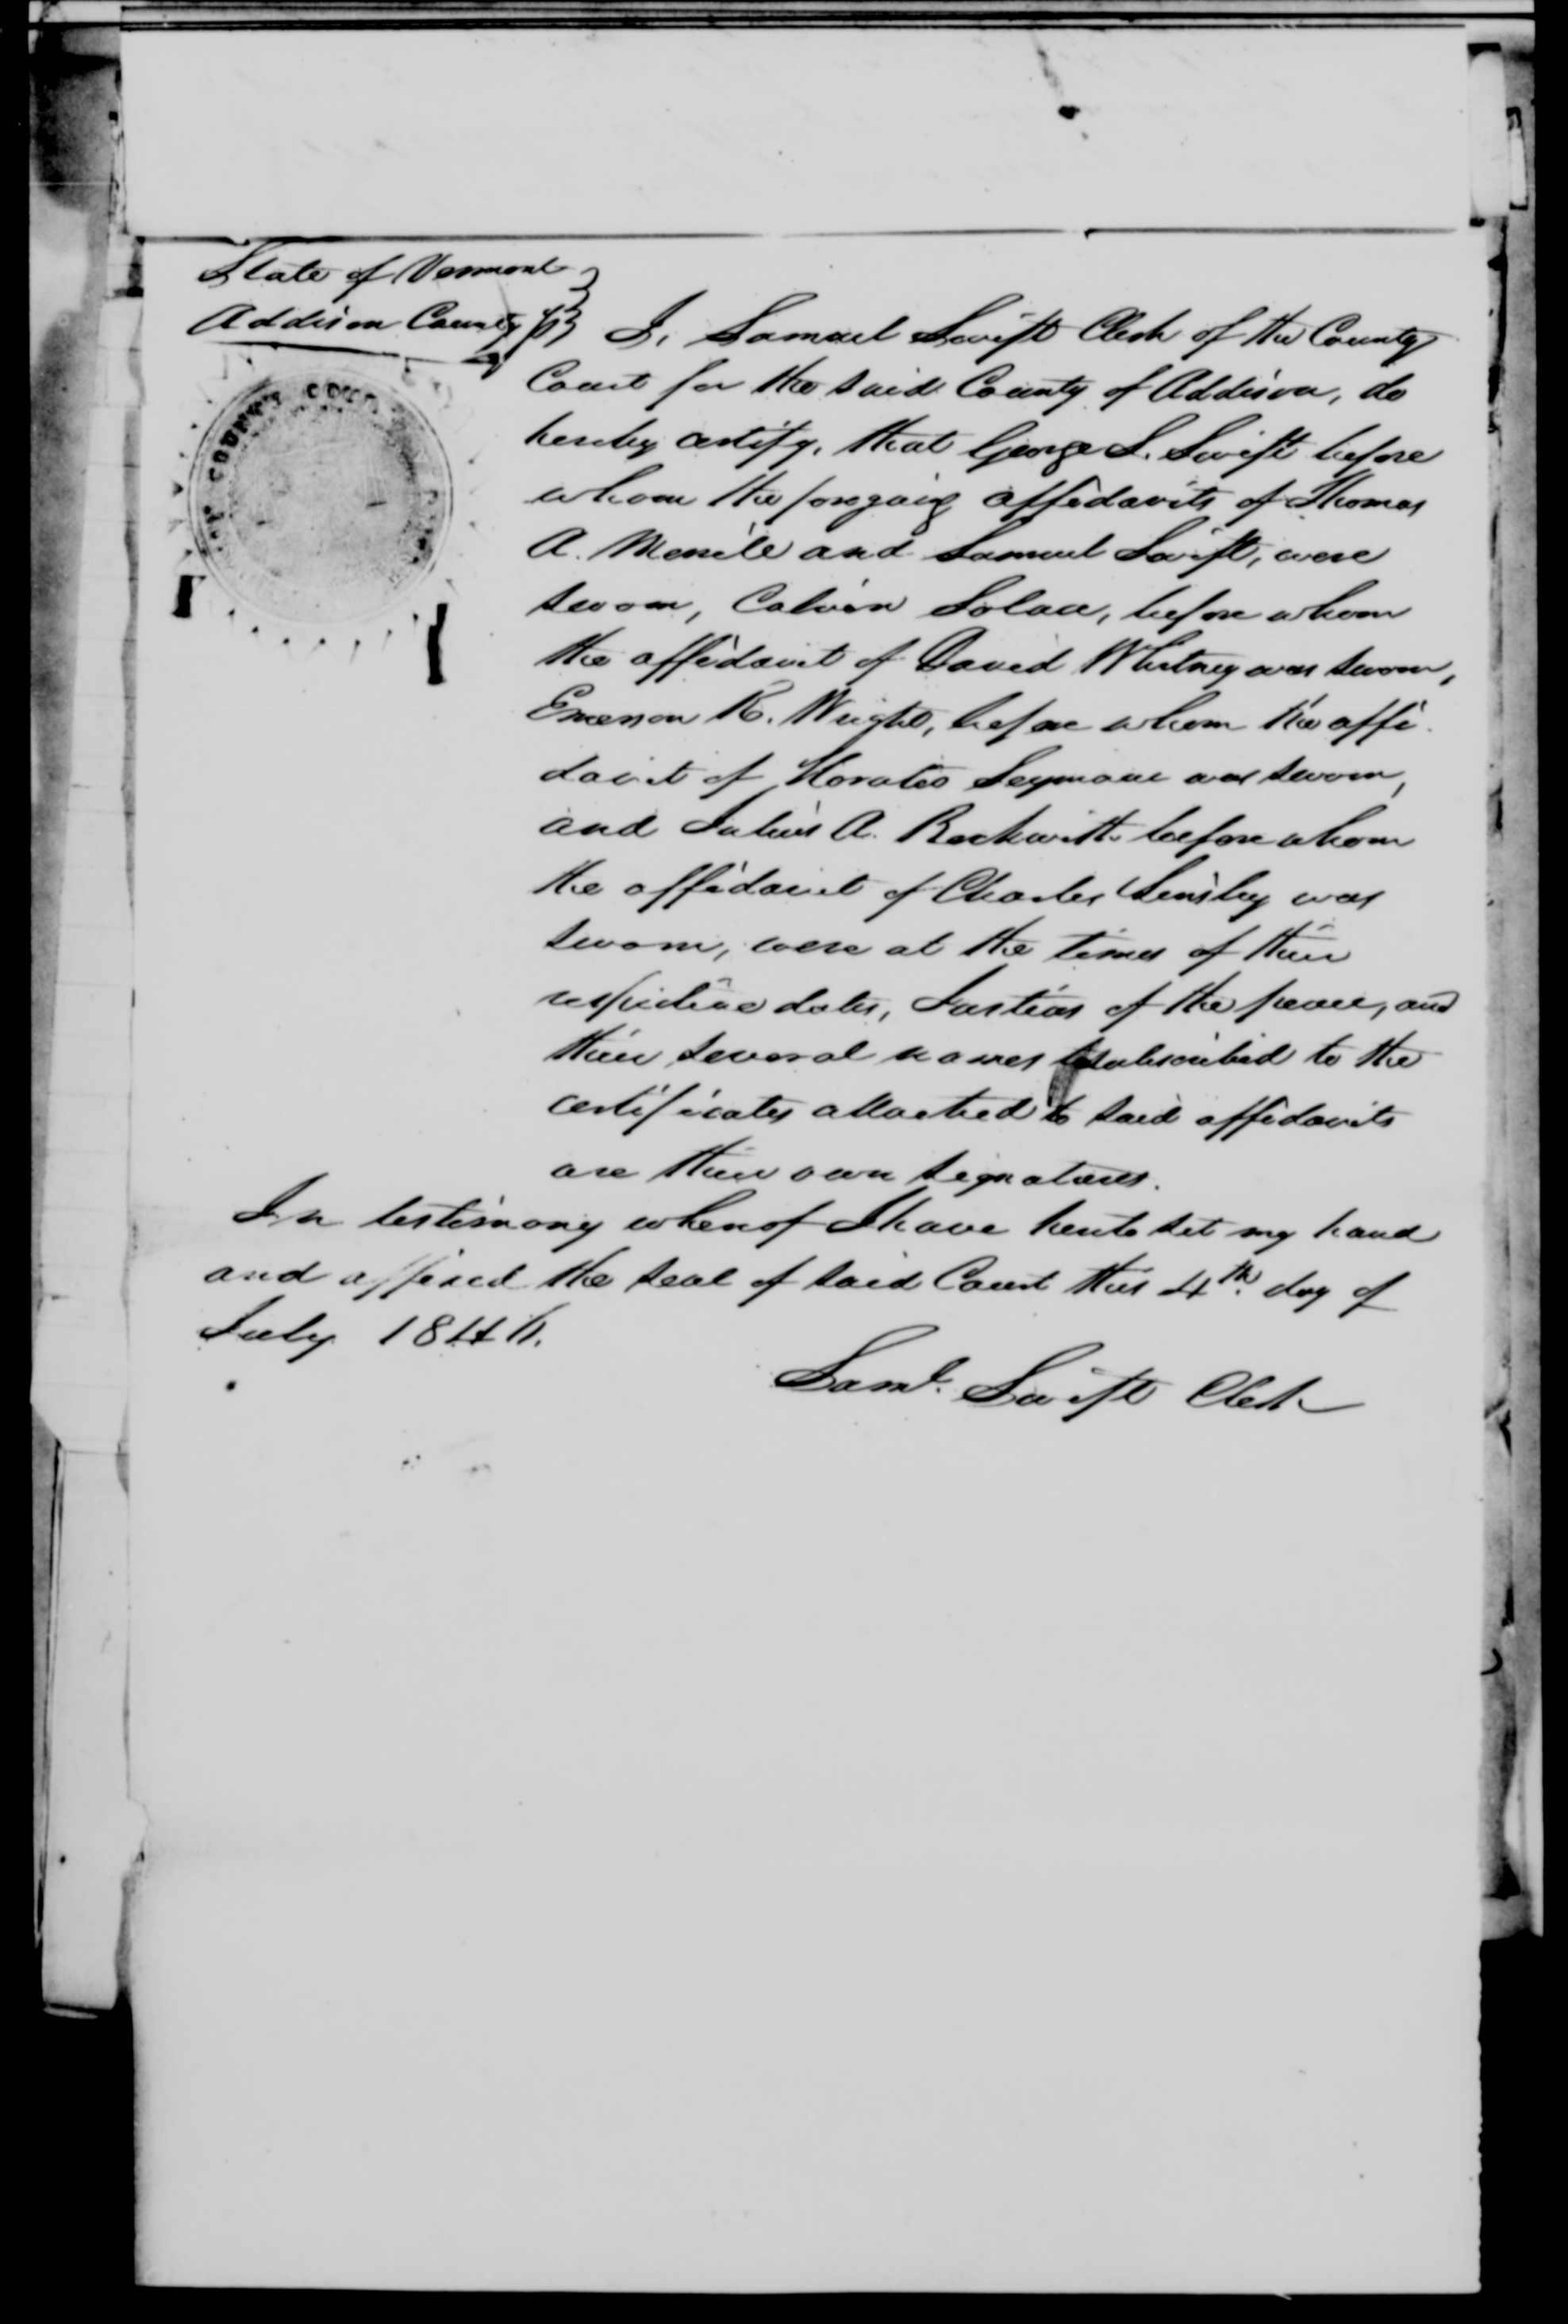State of Vermont
Addison County, Samuel Swift Clerk of the County
Court for the said County of Addison, do
hereby certify, that George S. Swift before
whom the foregoing affidavit of Thomas
A. Merrill and Samuel Swift, were
Sworn, Calvin Solan, before whom
the affidavit of David Whitney was sworn,
Emerson K. Wight, before whom the affidavit of Horatio Seymour was Sworn,
and Julius A. Beckwith before whom
the affidavit of Charles Sinsley was
sworn, were at the times of their
respective dates, parties of the peace, and
their several names subscribed to the
certificates attached to said affidavits
are their own signatures
In testimony whereof I have hereto set my hand
and affixed the seal of said Court this 4th day of
July 1846.
[Signature] Saml Swift Clerk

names: George S Swift; Julius A Beckwith; Samuel Swift; Charles Sinsley; Calvin Solan; Thomas A Merrill; Samuel Swift; Saml Swift; Horatio Seymour; David Whitney; Emerson R Wright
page: 21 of 26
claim: rejected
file: R. 10,154, for John Stewart, New Hampshire